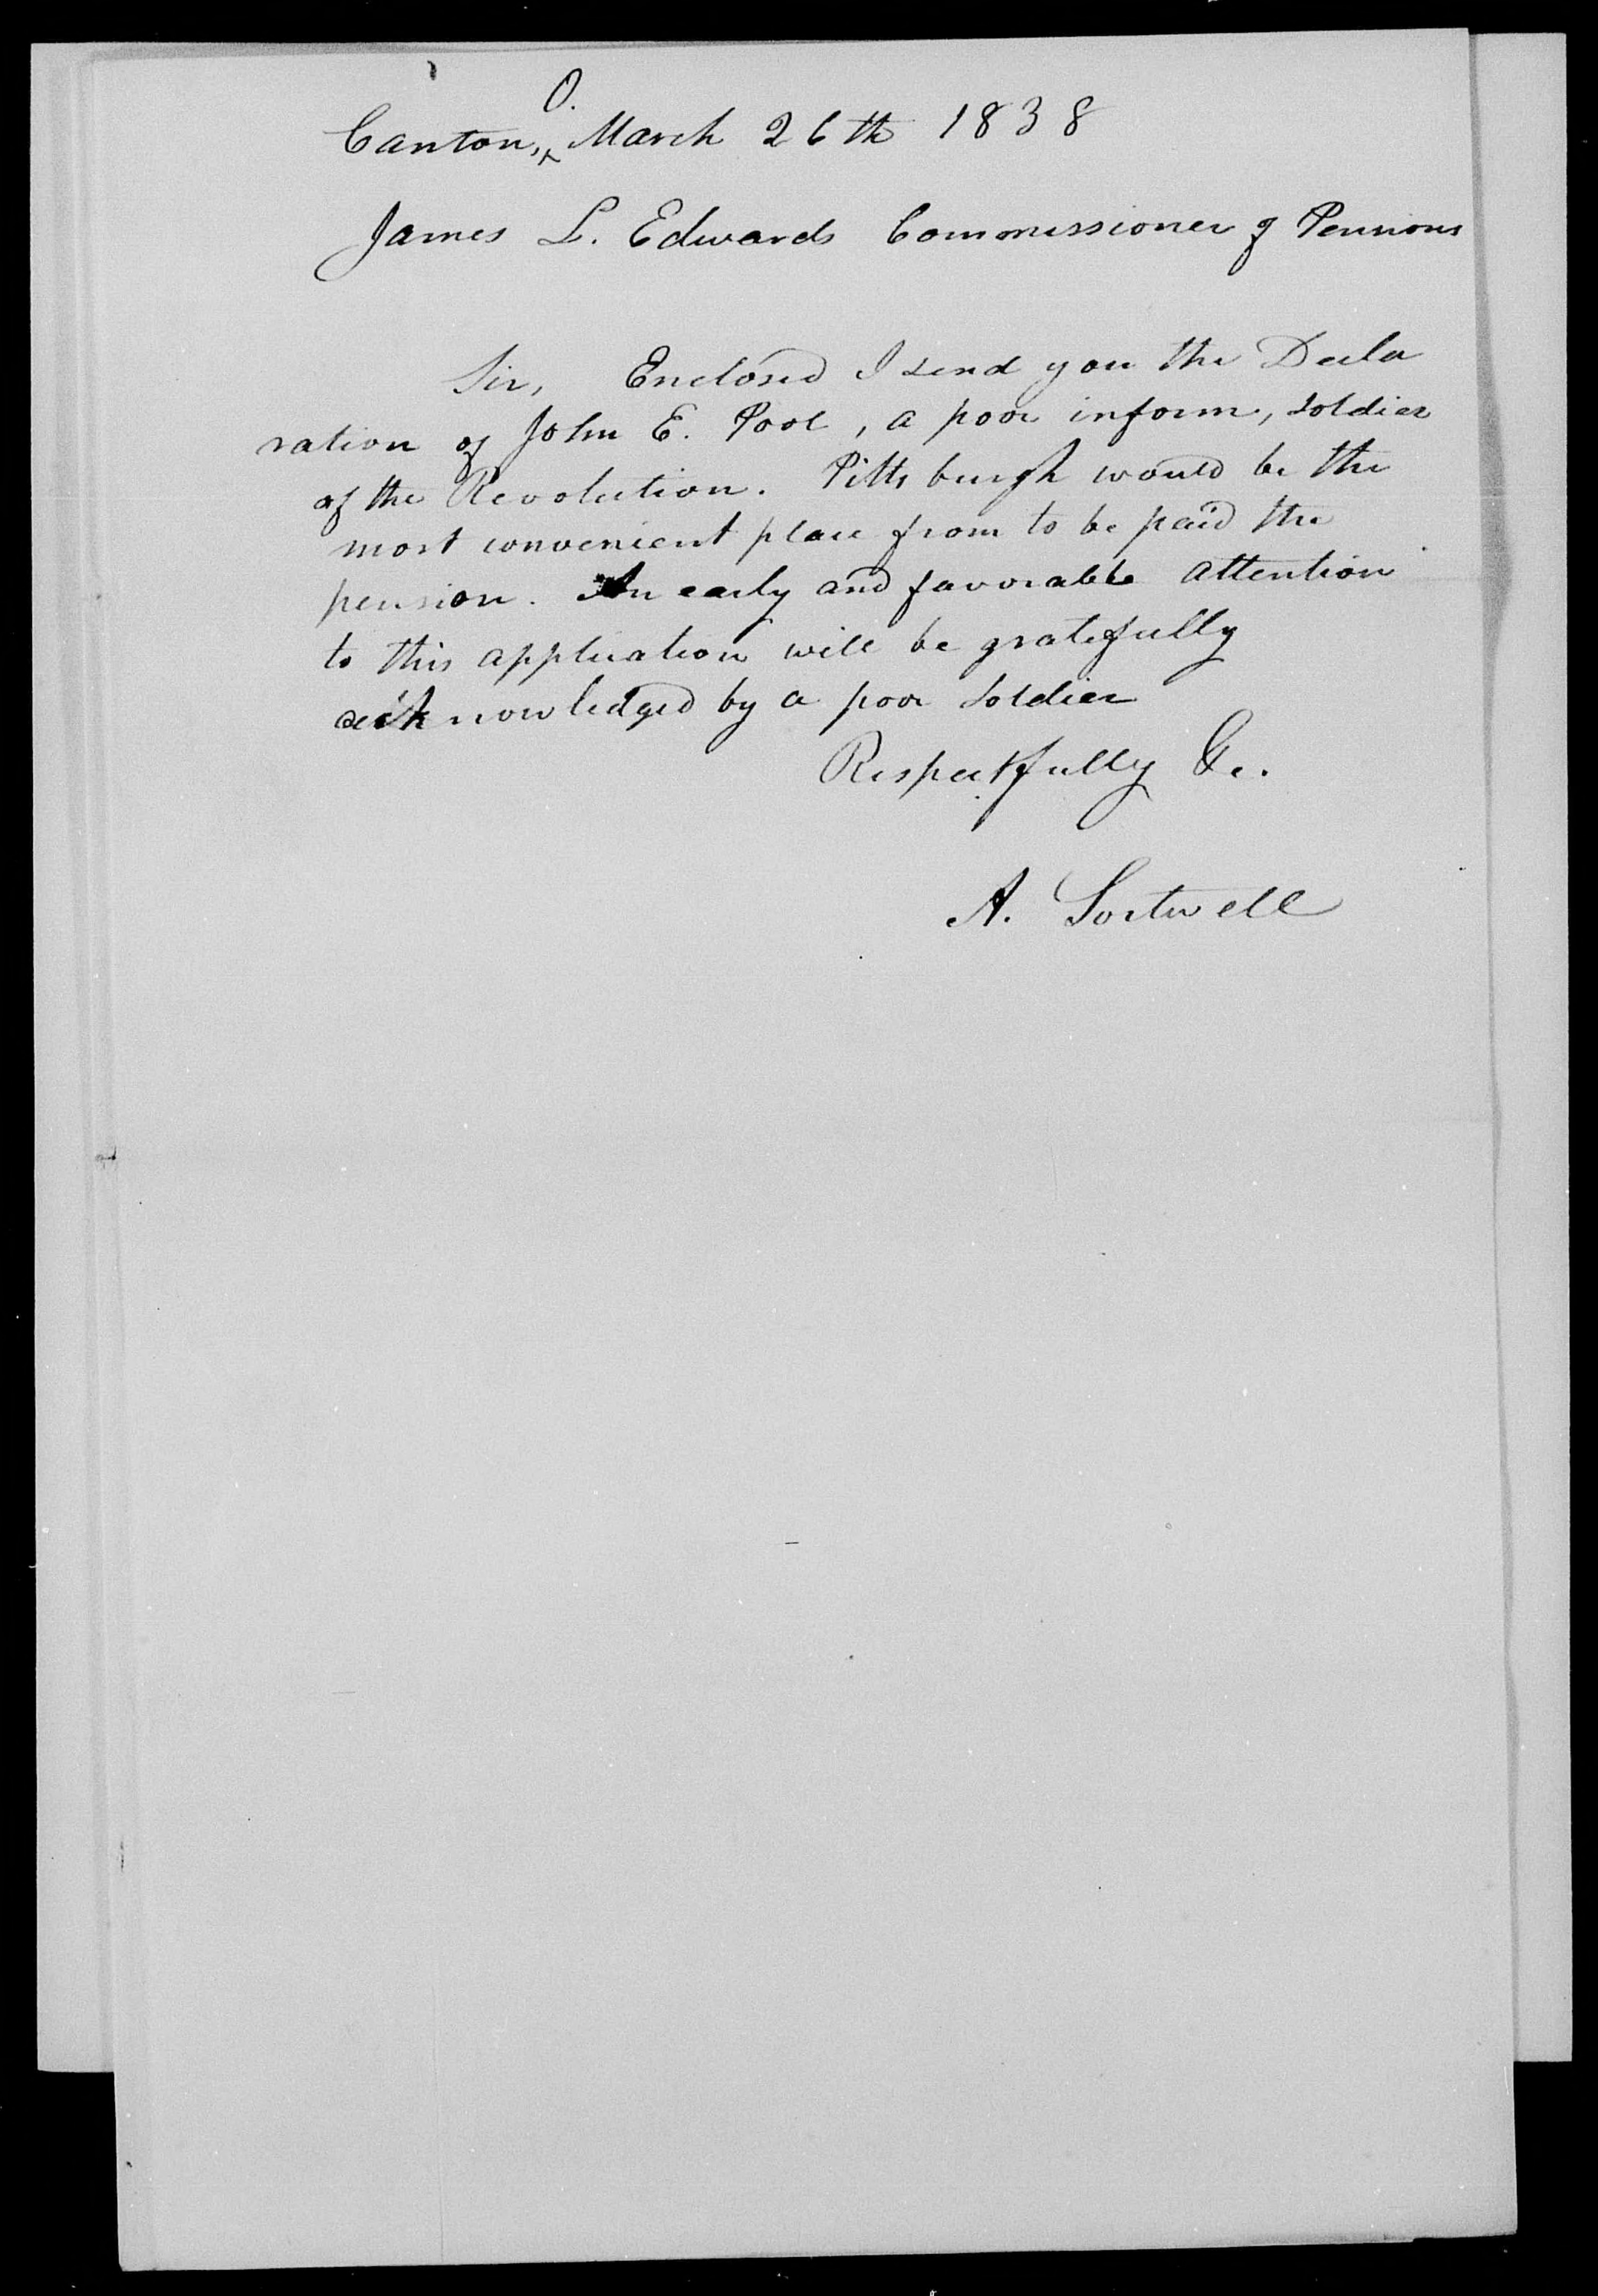Canton O. March 26th 1838
James L. Edwards Commissioner of Pensions

Sir, Enclosed I send you the declaration of John E. Pool, a poor, infirm soldier of the Revolution. Pittsburgh would be the most convenient place from to be paid the pension. An early and favorable attention to this application will be gratefully acknowledged by a poor soldier.
Respectfully 
A. Sortwell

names: A Sortwell; John E Pool; James L Edwards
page: 22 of 22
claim: rejected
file: R. 8,319, for John Engle Pool, Pennsylvania